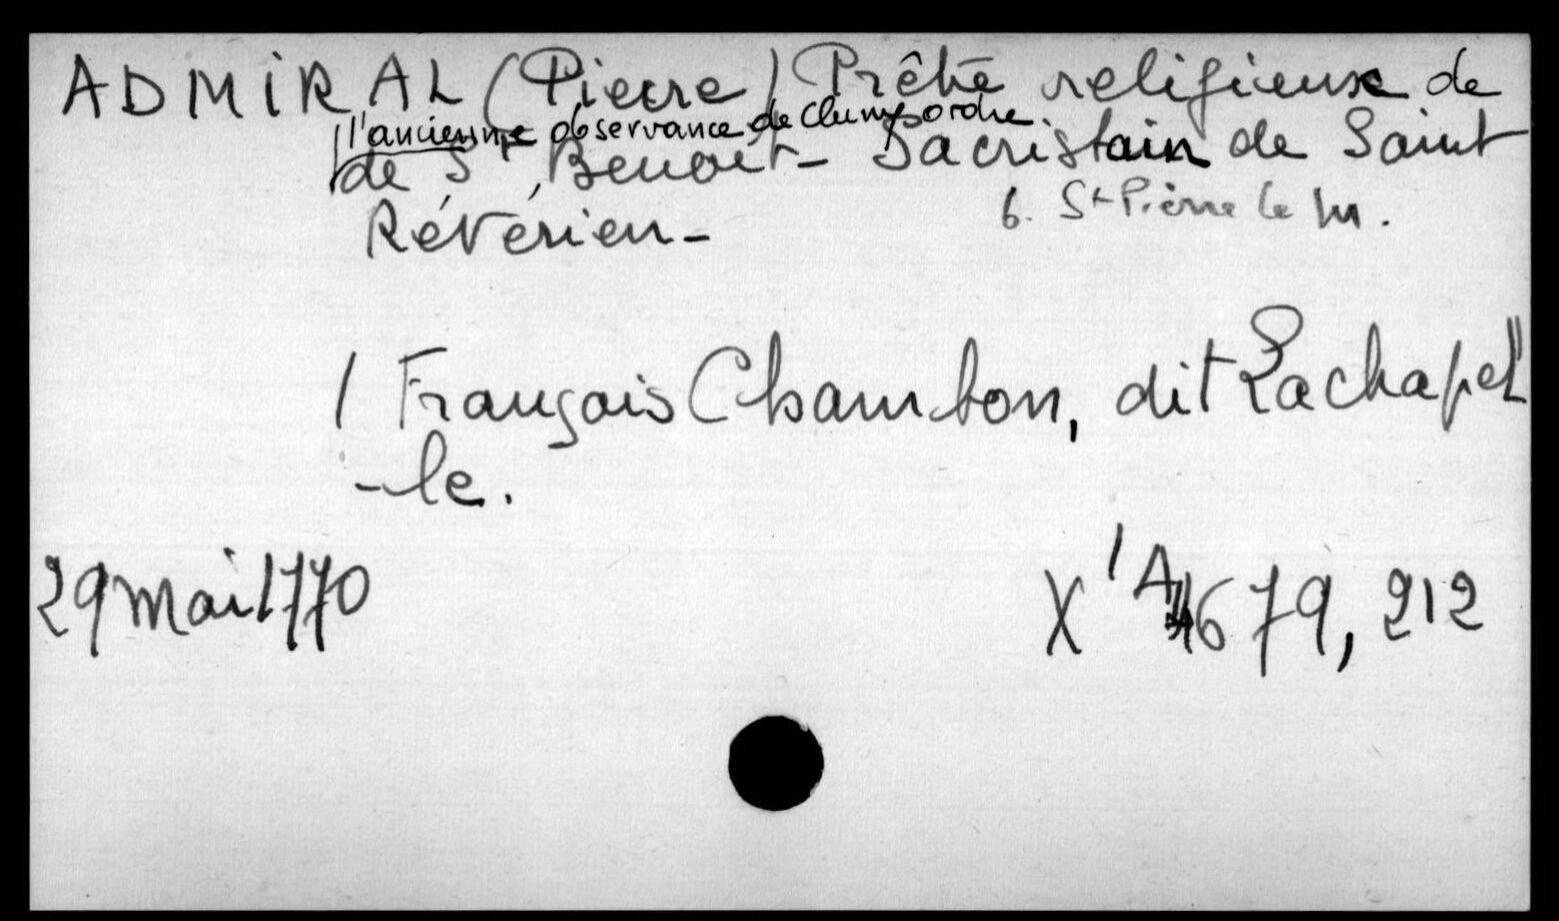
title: ADMIRAL (Pierre) Prêtre religieux de Saint-Benoît-Sacristain de Saint Révérien. l'ancienne observance de Cluny ordre.
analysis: Contre François Chambon, dit Lachapel
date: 29 mai 1770
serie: X1A
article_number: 4679
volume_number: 212
